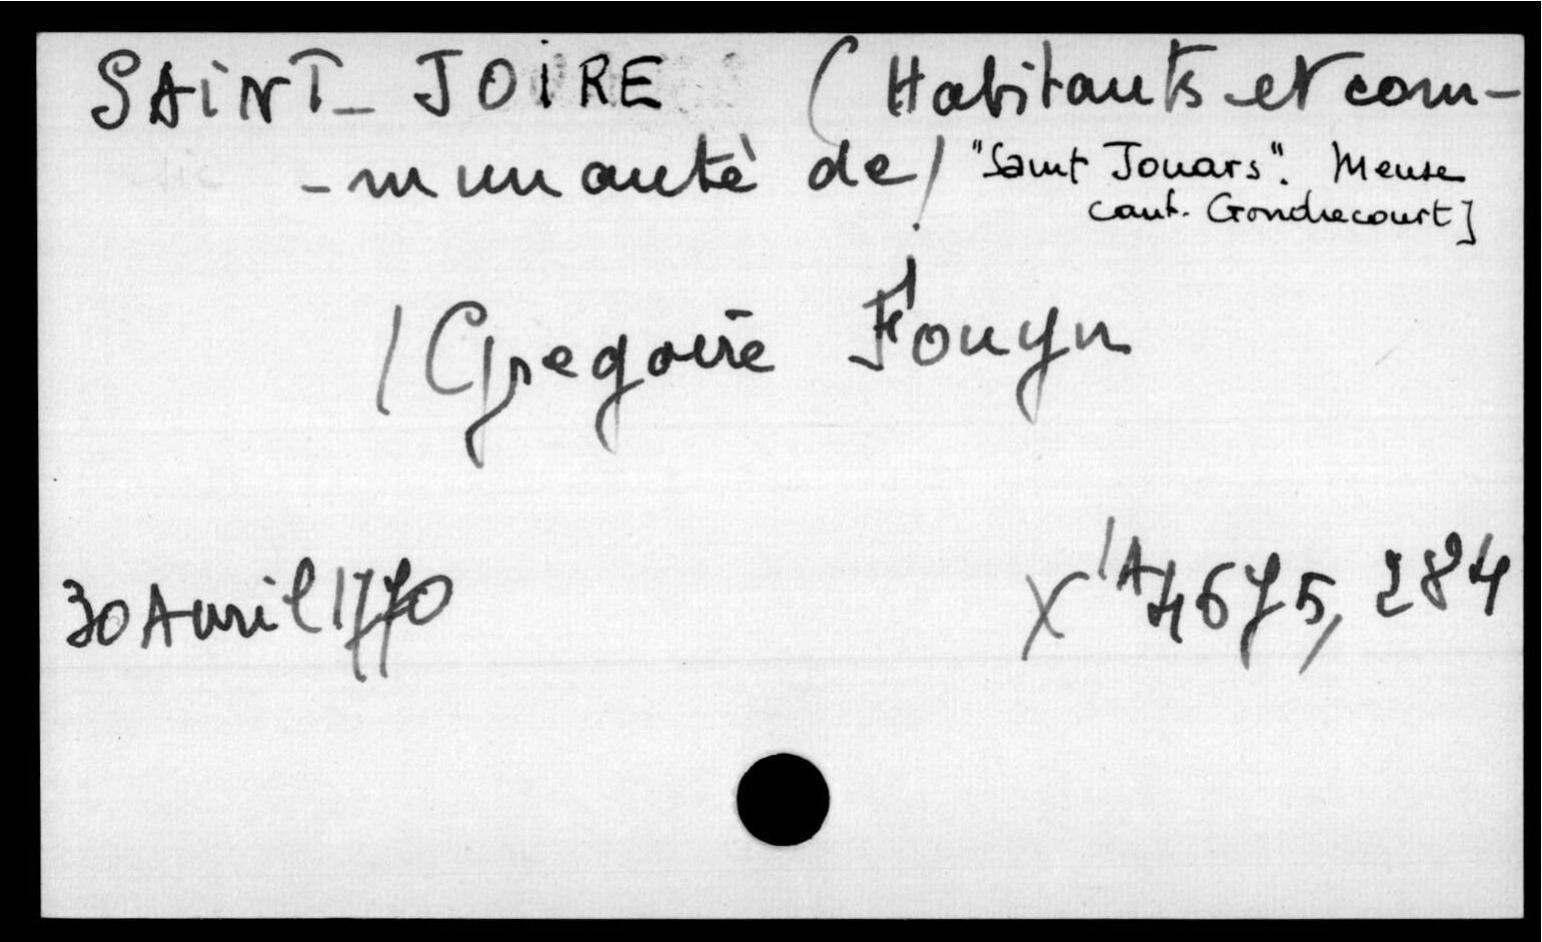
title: SAINT-JOIRE (Habitants et communauté de) "Saint-Jouars" Meuse canton Gondrecourt)
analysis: Contre Grégoire Fouyn
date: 30 avril 1770
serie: X1A
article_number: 4675
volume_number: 284
